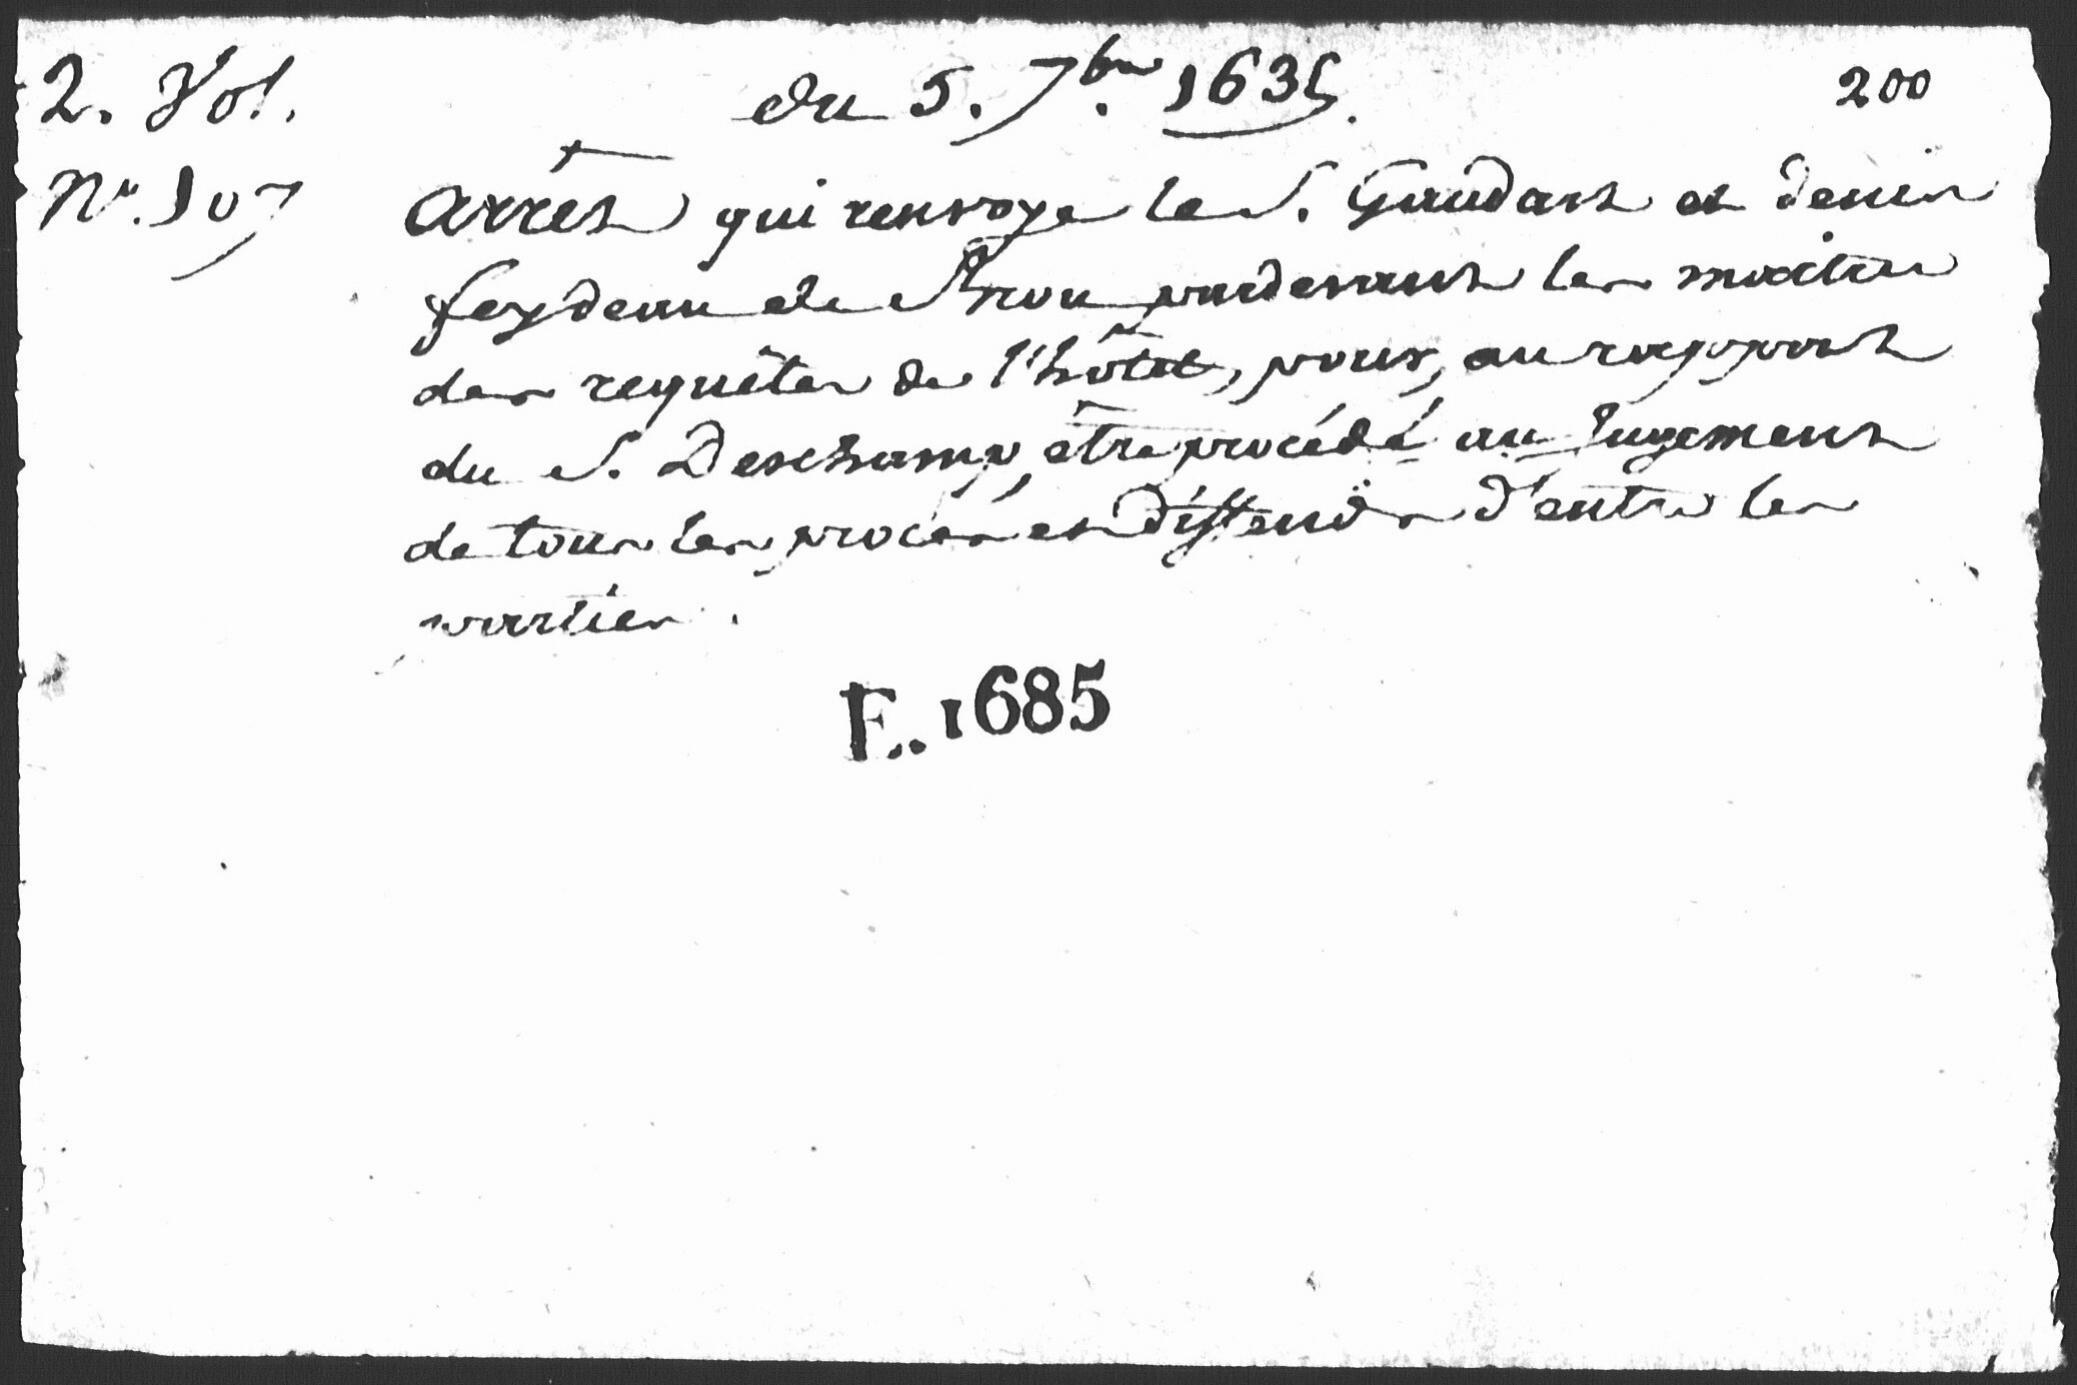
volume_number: n°107
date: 5 septembre 1635
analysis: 200
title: Arrêt qui renvoye le S. Gaudart et denis Feydeau de Brou par devant les maitres des requêtes de l'hôtel, pour, au rapport du S. Deschamp, être procédé au jugement de tous les proces et diffends d'entre les parties.
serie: E
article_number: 1685
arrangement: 2. vol.
